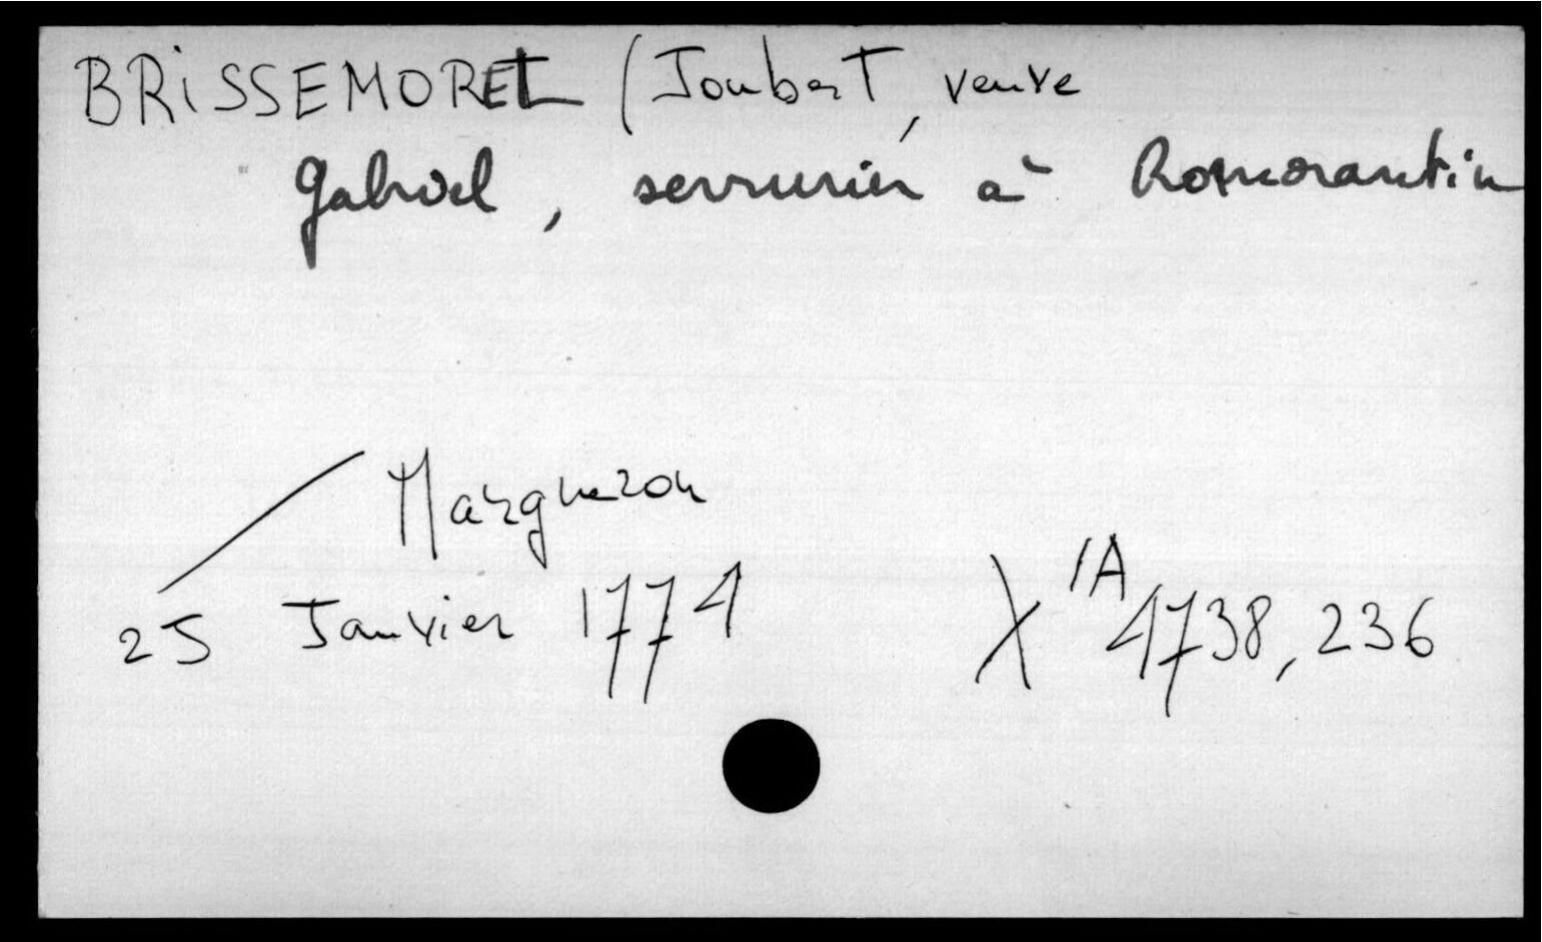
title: BRISSEMOREL (Joubert, veuve Gabriel, serrurier à Romorantin)
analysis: Contre Margueron
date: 25 janvier 1774
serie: X1A
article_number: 4738
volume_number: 236
